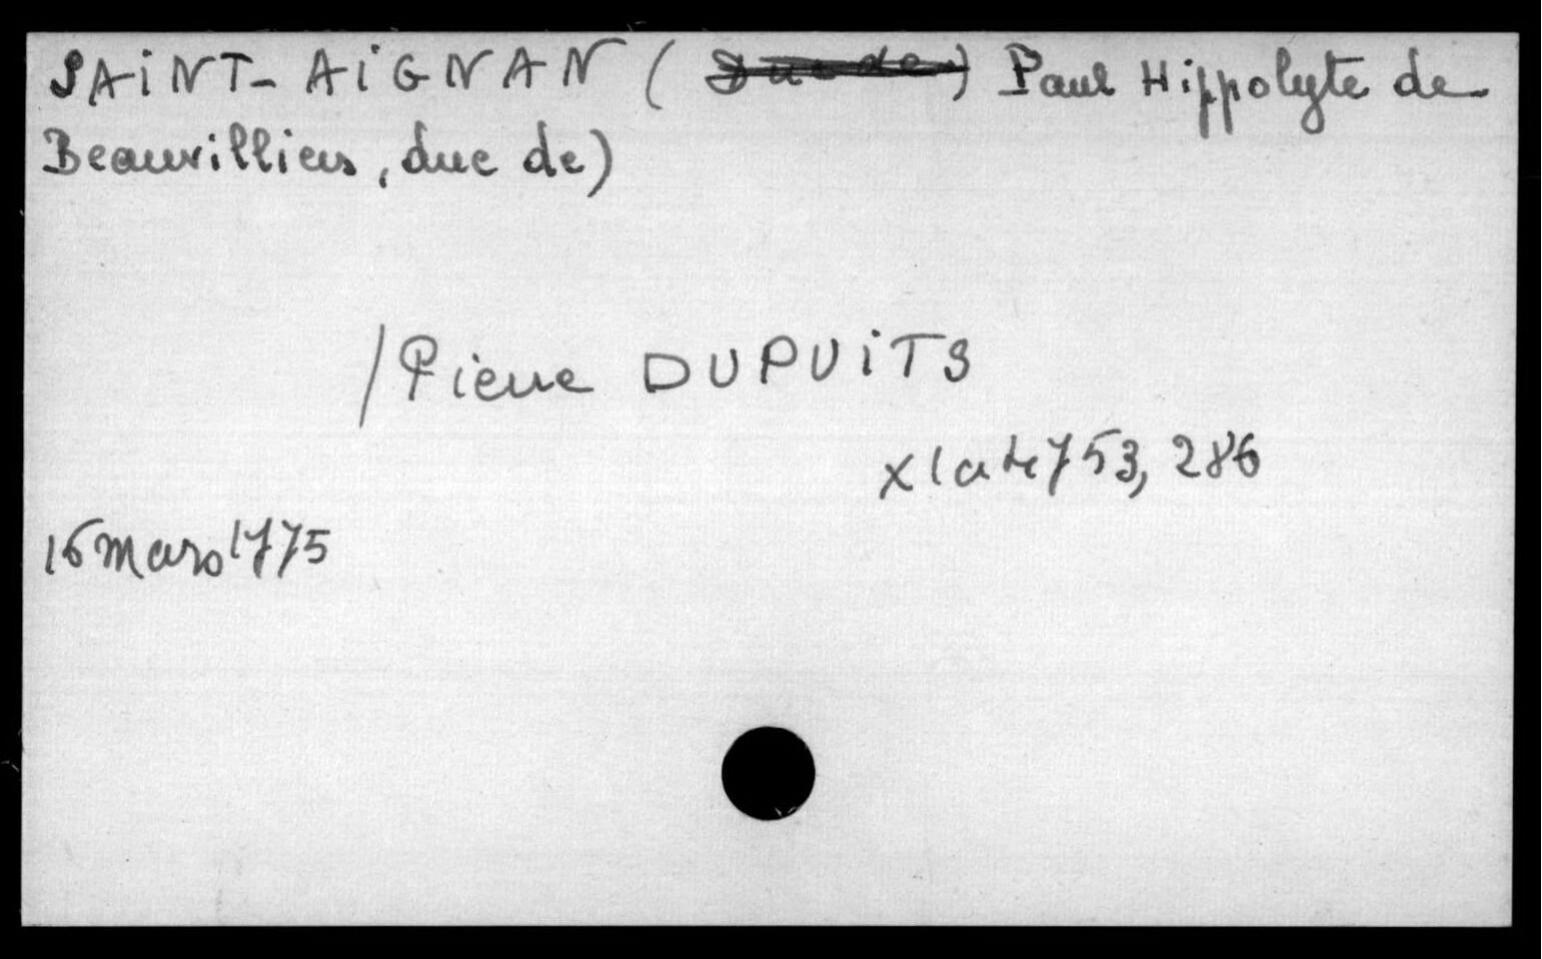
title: SAINT-AIGNAN (Paul Hippolyte de Beauvilliers, duc de)
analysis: Contre Pierre DUPUITS
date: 16 mars 1775
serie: X1a
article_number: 4753
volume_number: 286
